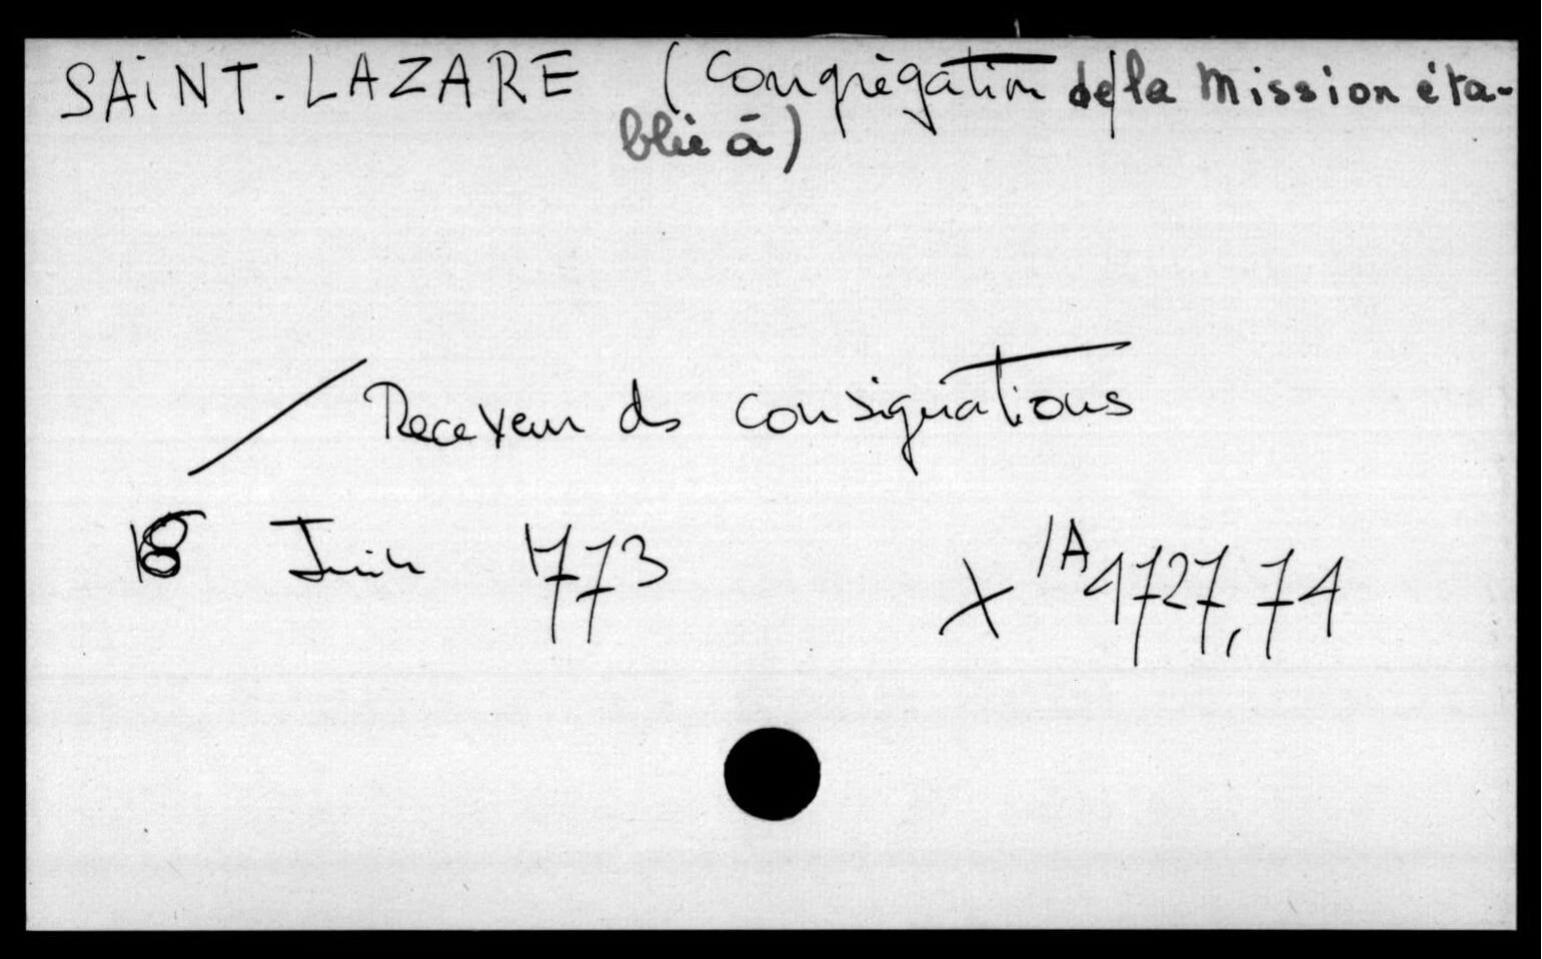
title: SAINT-LAZARE (Comgrégation de la mission établie à)
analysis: Contre Receveur des consignations
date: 18 juin 1773
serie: X1A
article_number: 4727
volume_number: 74
